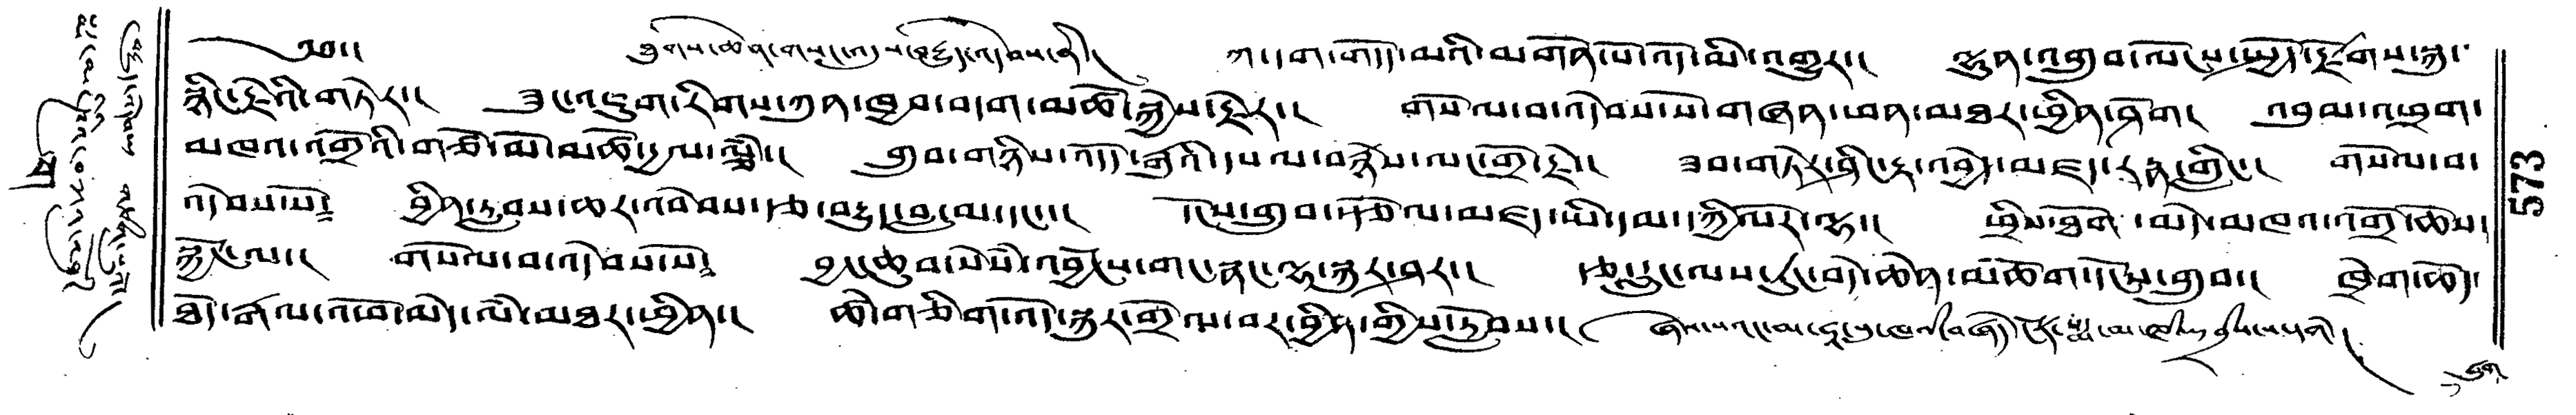༄༅། ཐུགས་ཆེན་གསང་འདུས་བརྒྱུད་འདེབས་ནི། ཀ་དག་གདོད་མའི་མགོན་པོ་འོད་མི་འགྱུར། །ལྷུན་གྲུབ་ལོངས་སྤྱོད་རྫོགས་སྐུ་
སྙིང་རྗེའི་གཏེར། །ཟུང་འཇུག་རིགས་ཀུན་ཁྱབ་བདག་མཚོ་སྐྱེས་རྗེར། །གསོལ་བ་འདེབས་སོ་གཞན་ཕན་མཐར་ཕྱིན་ཤོག །འབུམ་ཕྲག་
མཁའ་འགྲོའི་གཙོ་མོ་མཚོ་རྒྱལ་ལྕམ། །གྲུབ་གཉིས་འདོད་རྒུའི་དཔལ་བརྙེས་ལང་གྲོ་རྗེ། །ཟབ་གཏེར་ཤིང་རྟ་འབྱེད་མཛད་རཏྣ་གླིང་། །གསོལ་བ་
འདེབས་སོ༴ བྱིན་རླབས་ཆར་འབེབས་རྩ་བརྒྱུད་བླ་མ་དང་། །དངོས་གྲུབ་སྩོལ་མཛད་ཡི་དམ་དཀྱིལ་འཁོར་ལྷ། །ཕྲིན་ལས་ཐོགས་མེད་མཁའ་འགྲོ་ཆོས་
སྐྱོང་ལ། །གསོལ་བ་འདེབས་སོ༴ བྱང་ཆུབ་སེམས་འབྱོངས་གང་སྣང་ལྷ་སྐུར་ཤར། རྩ་རླུང་ལས་རུང་བདེ་ཆེན་མཆོག་དངོས་གྲུབ། ཁྲེགས་ཆོད་
ཐོད་རྒལ་འཕོ་མེད་ལམ་མཐར་ཕྱིན། །ཚེ་གཅིག་འོད་སྐུར་གྲོལ་བར་བྱིན་གྱིས་རློབས། ཞེས་པའང་མ་ཧཱ་སུ་ཁའི་བཞེད་ངོར་པདྨ་མ་ཎིས་་བྲིས་པ་དགེའོ།།